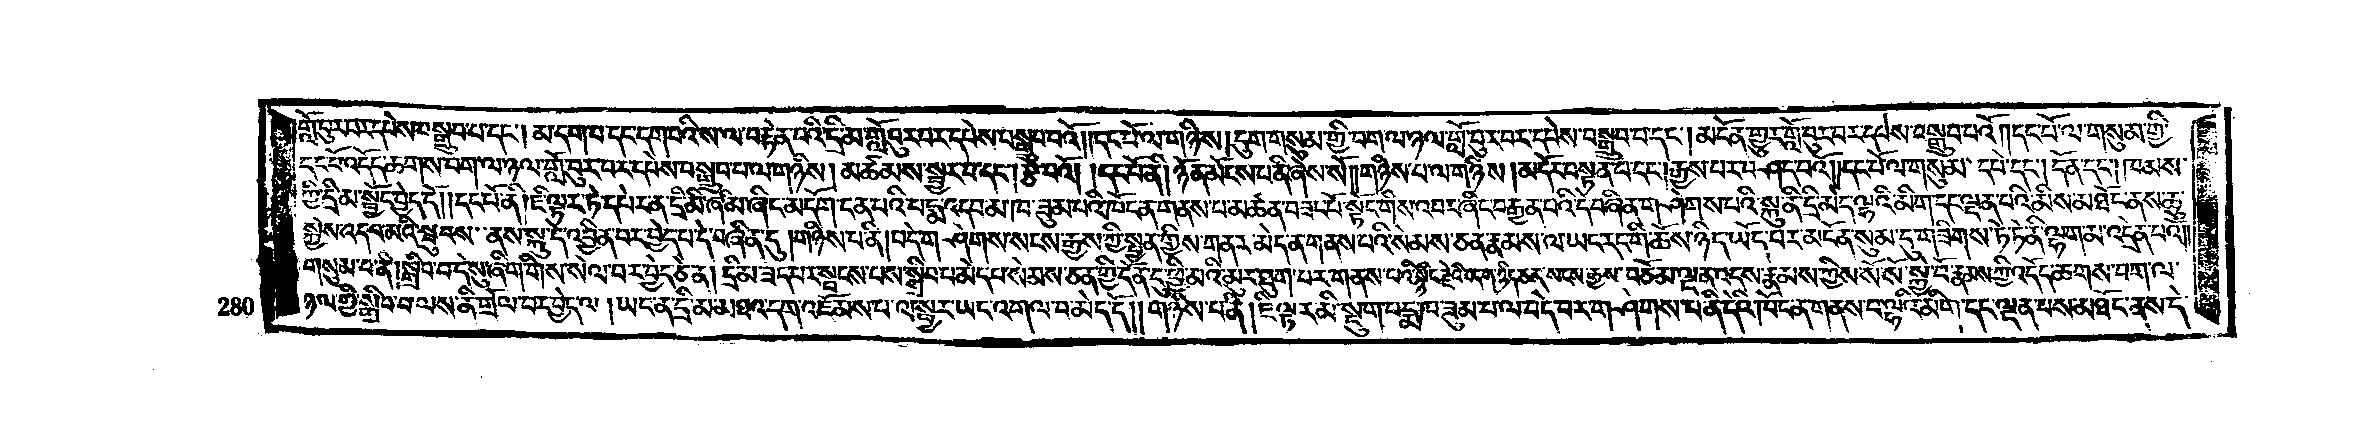གློ་བུར་བར་དཔེས་བསྒྲུབ་པ་དང་། མ་དག་པ་དང་དག་པའི་ས་ལ་བརྟེན་པའི་དྲི་མ་གློ་བུར་བར་དཔེས་བསྒྲུབ་པའོ། །དང་པོ་ལ་གཉིས། དུག་གསུམ་གྱི་བག་ལ་ཉལ་གློ་བུར་བར་དཔེས་བསྒྲུབ་པ་དང་། མངོན་གྱུར་གློ་བུར་བར་དཔེས་བསྒྲུབ་པའོ། །དང་པོ་ལ་གསུམ་གྱི་
དང་པོ་འདོད་ཆགས་བག་ལ་ཉལ་གློ་བུར་བར་དཔེས་བསྒྲུབ་པ་ལ་གཉིས། མཚམས་སྦྱར་བ་དང་། རྩ་བའོ། །དང་པོ་ནི། ཉོན་མོངས་པ་ནི་ཞེས་སོ། །གཉིས་པ་ལ་གཉིས། མདོར་བསྟན་པ་དང་། རྒྱས་པར་བཤད་པའོ། །དང་པོ་ལ་གསུམ་དཔེ་དང་། དོན་དང་། ཁམས་
ཀྱི་དྲི་མ་སྦྱོང་བྱེད་དོ། །དང་པོ་ནི། ཇི་ལྟར་ཏེ་དཔེར་ན་དྲི་མི་ཞིམ་ཞིང་མདོག་ངན་པའི་པདམ་འདབ་མ་ཁ་ཟུམ་པའི་ཁོང་ན་གནས་པ་མཚན་བཟང་པོ་སྟོང་གིས་འབར་ཞིང་བརྒྱན་པའི་དེ་བཞིན་གཤེགས་པའི་སྐུ་ནི་དྲི་མེད་ལྷའི་མིག་དང་ལྡན་པའི་མིས་མཐོང་ནས་ཆུ་
སྐྱེས་འདབ་མའི་སྦུབས་ནས་སྐུ་དེ་འབྱིན་པར་བྱེད་པ་དེ་བཞིན་དུ། གཉིས་པ་ནི། བདེ་གཤེགས་སངས་རྒྱས་ཀྱི་སྤྱན་གྱིས་གནར་མེད་ན་གནས་པའི་སེམས་ཅན་རྣམས་ལ་ཡང་རང་གི་ཆོས་ཉིད་ཡོད་པར་མངོན་སུམ་དུ་གཟིགས་ཏེ་ཏེ་ནི་ལྷག་མ་འདྲེན་པའོ། །
གསུམ་པ་ནི། སྒྲིབ་པ་དེ་སུ་ཞིག་གིས་སེལ་བར་བྱེད་ཅེ་ན། དྲི་མ་ཟད་པར་སྤངས་པས་སྒྲིབ་པ་མེད་པ་སེམས་ཅན་གྱི་དོན་དུ་ཕྱི་མའི་མུར་ཐུག་པར་གནས་པའི་སྙིང་རྗེའི་བདག་ཉིད་ཅན་སངས་རྒྱས་བཅོམ་ལྡན་འདས་རྣམས་ཀྱིས་སོ་སོ་སྐྱེ་བོ་རྣམས་ཀྱི་འདོད་ཆགས་བག་ལ་
ཉལ་གྱི་སྒྲིབ་པ་ལས་ནི་གྲོལ་བར་བྱེད་ལ། ཡང་ན་དྲི་མ་མཐའ་དག་འཇོམས་པ་ལ་སྦྱར་ཡང་འགལ་བ་མེད་དོ། །གཉིས་པ་ནི། །ཇི་ལྟར་མི་སྡུག་པདམ་ཁ་ཟུམ་པ་ལ་བདེ་བར་གཤེགས་པ་ནི་དེའི་ཁོང་ན་གནས་པ་ལྷའི་མིག་དང་ལྡན་པས་མཐོང་ནས་དེ་